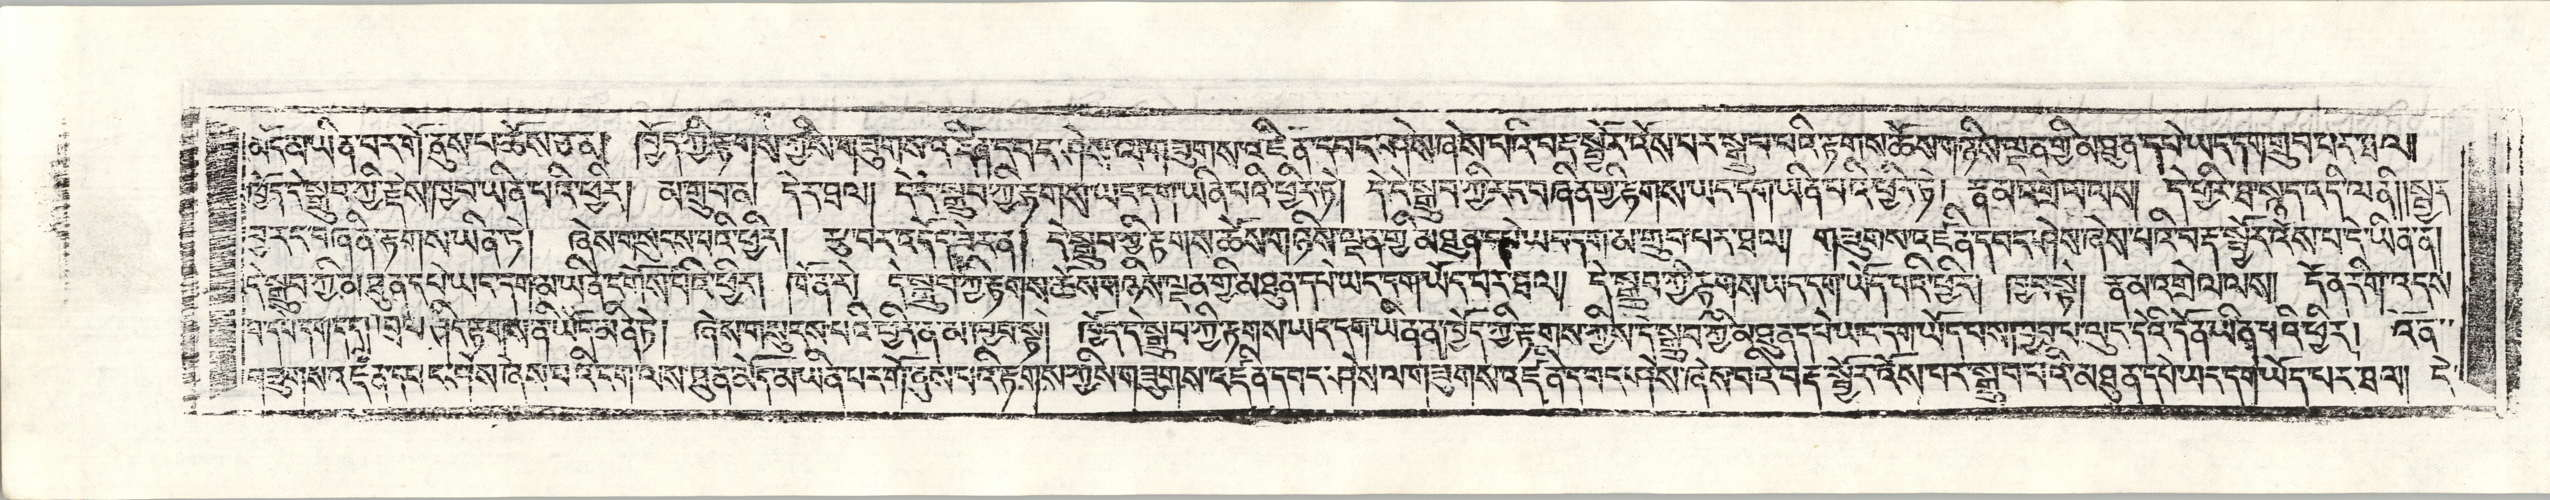མོང་མ་ཡིན་པར་གོ་ནུས་པ་ཆོས་ཅན། ཁྱོད་ཀྱི་རྟགས་ཀྱིས་གཟུགས་འཛིན་དབང་ཤེས་ལ་གཟུགས་འཛིན་དབང་ཤེས་ཞེས་པའི་བརྡ་སྦྱོར་འོས་པར་སྒྲུབ་པའི་རྟགས་ཆོས་གཉིས་ལྡན་གྱི་མཐུན་དཔེ་ཡང་དག་གྲུབ་པར་ཐལ།
ཁྱོད་དེ་སྒྲུབ་ཀྱི་རྗེས་ཁྱབ་ཡིན་པའི་ཕྱིར། མ་གྲུབ་ན། དེར་ཐལ། དེ་དེ་སྒྲུབ་ཀྱི་རྟགས་ཡང་དག་ཡིན་པའི་ཕྱིར་ཏེ། དེ་དེ་སྒྲུབ་ཀྱི་རང་བཞིན་གྱི་རྟགས་ཡང་དག་ཡིན་པའི་ཕྱིར་ཏེ། རྣམ་འགྲེལ་ལས། དེ་ཕྱིར་ཐ་སྙད་འདི་ལ་ནི། །སྦྱར་
བྱ་རང་བཞིན་རྟགས་ཡིན་ཏེ། ཞེས་གསུངས་པའི་ཕྱིར། རྩ་བར་འདོད་ཟེར་ན། དེ་སྒྲུབ་ཀྱི་རྟགས་ཆོས་གཉིས་ལྡན་གྱི་མཐུན་དཔེ་ཡང་དག་མ་གྲུབ་པར་ཐལ། གཟུགས་འཛིན་དབང་ཤེས་ཞེས་པའི་བརྡ་སྦྱོར་འོས་པ་དེ་ཡིན་ན།
དེ་སྒྲུབ་ཀྱི་མཐུན་དཔེ་ཡང་དག་མ་ཡིན་དགོས་པའི་ཕྱིར། ཁོ་ན་རེ། དེ་སྒྲུབ་ཀྱི་རྟགས་ཆོས་གཉིས་ལྡན་གྱི་མཐུན་དཔེ་ཡང་དག་ཡོད་པར་ཐལ། དེ་སྒྲུབ་ཀྱི་རྟགས་ཡང་དག་ཡོད་པའི་ཕྱིར། ཁྱབ་སྟེ། རྣམ་འགྲེལ་ལས། དོན་རིག་འདས་
པ་དཔེ་དག་དང་། །བྲལ་ཞིང་རྟགས་ནི་ཡོད་མིན་ཏེ། ཞེས་གསུངས་པའི་ཕྱིར་ན་མ་ཁྱབ་སྟེ། ཁྱོད་དེ་སྒྲུབ་ཀྱི་རྟགས་ཡང་དག་ཡིན་ན་ཁྱོད་ཀྱི་རྟགས་ཀྱིས་དེ་སྒྲུབ་ཀྱི་མཐུན་དཔེ་ཡང་དག་ཡོད་པས་ཁྱབ་པ་ལུང་དེའི་དོན་ཡིན་པའི་ཕྱིར། འོ་ན་
གཟུགས་འཛིན་དབང་ཤེས་ཞེས་པའི་ངག་ལས་ཐུན་མོང་མ་ཡིན་པར་གོ་ནུས་པའི་རྟགས་ཀྱིས་གཟུགས་འཛིན་དབང་ཤེས་ལ་གཟུགས་འཛིན་དབང་ཤེས་ཞེས་པའི་བརྡ་སྦྱོར་འོས་པར་སྒྲུབ་པའི་མཐུན་དཔེ་ཡང་དག་ཡོད་པར་ཐལ། དེ་